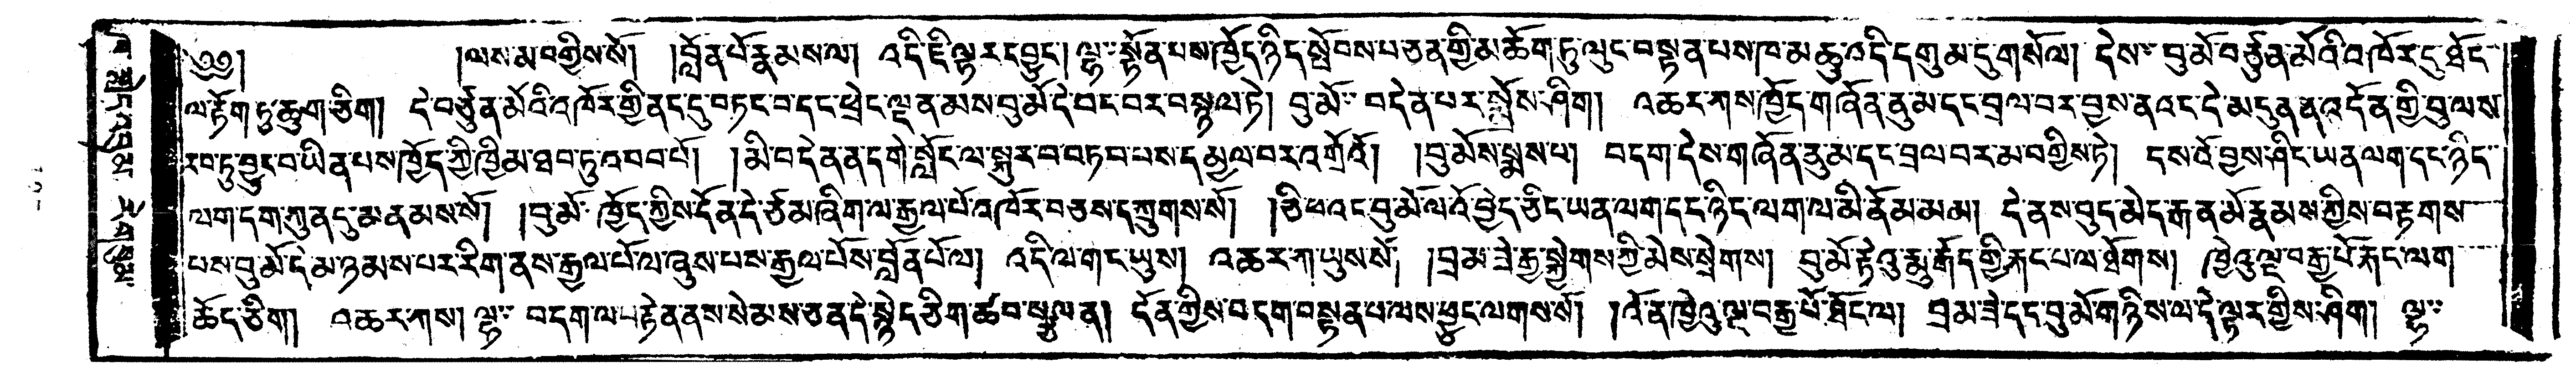༄༅། །ལས་མ་བགྱིས་སོ། །བློན་པོ་རྣམས་ལ། འདི་ཇི་ལྟར་དབྱུང་། ལྷ་སྟོན་པས་ཁྱོད་ཉིད་སྤོབས་པ་ཅན་གྱི་མཆོག་ཏུ་ལུང་བསྟན་པས་ཁ་མཆུ་འདི་དགུ་མ་དུ་གསོལ། དེས་བུ་མོ་བཙུན་མོའི་འཁོར་དུ་ཐོད་
ལ་རྟོག་ཏུ་ཆུག་ཅིག། དེ་བཙུན་མོའི་འཁོར་གྱི་ནང་དུ་བཏང་བ་དང་ཕྲེང་ལྡན་མས་བུ་མོ་དེ་བང་བར་བསྙལ་ཏེ། བུ་མོཿ བདེན་པར་སྨྲོས་ཤིག །འཆར་ཀས་ཁྱོད་གཞོན་ནུ་མ་དང་བྲལ་བར་བྱས་ནའང་དེ་མདུན་ན་འདོན་གྱི་བུ་ལས་
རབ་ཏུ་བྱུང་བ་ཡིན་པས་ཁྱོད་ཀྱི་ཁྱིམ་ཐབ་ཏུ་འབབ་པོ། །མི་བདེན་ན་དགེ་སློང་ལ་སྐུར་བ་བཏབ་པས་དམྱལ་བར་འགྲོའོ། །བུ་མོས་སྨས་པ། བདག་དེས་གཞོན་ནུ་མ་དང་བྲལ་བར་མ་བགྱིས་ཏེ། དས་འོ་བྱས་ཤིང་ཡན་ལག་དང་ཉིད་
ལག་དག་ཀུན་དུ་མནམས་སོ། །བུ་མོཿ ཁྱོད་ཀྱིས་དོན་དེ་ཙམ་ཞིག་ལ་རྒྱལ་པོ་འཁོར་བཅས་དཀྲུགས་སོ། །ཅི་ཕའང་བུ་མོ་ལ་འོ་བྱེད་ཅིང་ཡན་ལག་དང་ཉིད་ལག་ལ་མི་ནོམ་མམ། དེ་ནས་བུད་མེད་རྒན་མོ་རྣམས་ཀྱིས་བརྟགས་
པས་བུ་མོ་དེ་མ་ཉམས་པར་རིག་ནས་རྒྱལ་པོ་ལ་ཞུས་པས་རྒྱལ་པོས་བློན་པོ་ལ། འདི་ལ་གང་ཡུས། འཆར་ཀ་ཡུས་སོ། །བྲམ་ཟེ་རྒྱ་སྐྱེགས་ཀྱི་མེས་སྲེགས། བུ་མོ་རྟེའུ་རྨུ་རྒོད་གྱི་རྐང་པ་ལ་ཐོགས། ཁྱེའུ་ལྔ་བརྒྱ་པོ་རྐང་ལག་
ཆོད་ཅིག། འཆར་ཀས། ལྷཿ བདག་ལ་བརྟེན་ནས་སེམས་ཅན་དེ་སྙེད་ཅིག་ཚབ་སྩལ་ན། དོན་གྱིས་བདག་བསྟན་པ་ལས་ཕྱུང་ལགས་སོ། །འོ་ན་ཁྱེའུ་ལྔ་བརྒྱ་པོ་ཐོང་ལ། བྲམ་ཟེ་དང་བུ་མོ་གཉིས་ལ་དེ་ལྟར་གྱིས་ཤིག། ལྷཿ